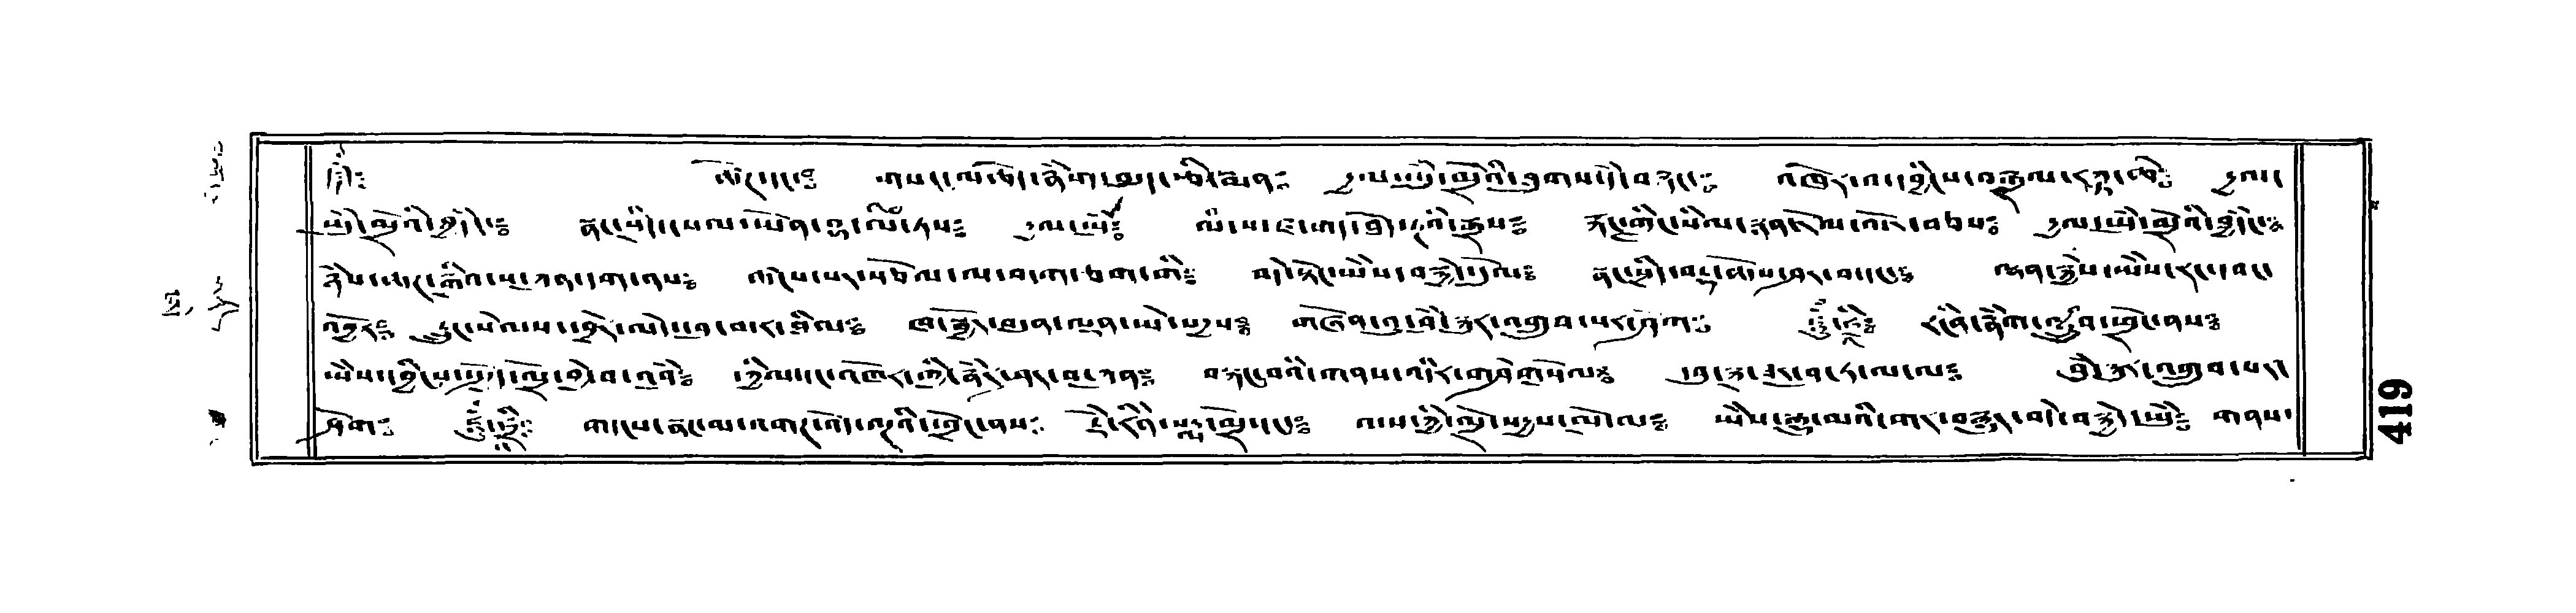ཚོགས་དང༔ གསང་མཆོད་རྣམ་དག་བདུད་རྩི་སྨན༔ རྒྱལ་ཡུམ་མཁའ་འགྲོའི་ཐུགས་དམ་བསྐང༔ འཁོར་བ་དབྱིངས་སྒྲོལ་རཀྟ་ཆེ༔ རྒྱལ་
ཡུམ་མཁའ་འགྲོའི་ཐུགས་དམ་བསྐང༔ སྣང་སྲིད་དཔལ་ཡོན་བྷ་ལིཾ་ཏས༔ རྒྱལ་ཡུམ་མཁའ་འགྲོའི་ཐུགས་དམ་བསྐང༔ མཾ་ས་ཛ་གད་ཐོད་རྔའི་སྒྲ༔ རྐང་གླིང་སིལ་སྙན་རོལ་མོར་བཅས༔ རྒྱལ་ཡུམ་མཁའ་འགྲོའི་ཐུགས་དམ་བསྐང༔ 
ཉམས་ཆག་སྒྲིབ་པ་ཀུན་དག་ནས༔ ཚངས་པར་སྩོལ་ལ་བདག་ཅག་གི༔ བདེ་སྟོང་ཡེ་ཤེས་བསྐྱེད་དུ་གསོལ༔ སྣང་སྲིད་བརྡ་ཆོས་ཤར་བ་དང༔ ལྷན་སྐྱེས་ཡེ་ཤེས་རང་དབང་
འབྱོར༔ རླུང་སེམས་དབྱེར་མེད་དབུ་མར་ཐིམ༔ ཁ་སྦྱོར་བདུན་ལྡན་ཡེ་སངས་རྒྱས༔ གཞོན་ནུ་བུམ་སྐུར་འགྲུབ་པར་ཤོག༔ ཧཱུྃ་ཧྲཱིཿ རང་བཞིན་རྣམ་དག་ལྷུན་གྲུབ་ཕོ་བྲང་ནས༔ 
ཡེ་ཤེས་དབྱིངས་སྤྱོད་མཁའ་འགྲོ་བྱེ་བ་འབུམ༔དཀྱིལ་དང་འཁོར་གྱི་རྣམ་པར་ཤར་བ་ཀུན༔ བསྐང་བའི་གནས་འདིར་གཤེགས་སུ་གསོལ༔ དབུ་སྐྲ་ཟར་བུ་ཏ་ལ་ལ༔ ནས༔ གཞོན་ནུ་བུམ་སྐུར་འགྲུབ་པར་
ཤོག༔ ཞེས་པའི་བར༔ ཧཱུྃ་ཧྲཱིཿ གདངས་སྣང་མ་འགགས་འོད་ལྔའི་ཕོ་བྲང་ནས༔ རྡོ་རྗེ་རིན་ཆེན་པདྨ་མཁའ་འགྲོ་དང༔ ལས་ཀྱི་མཁའ་འགྲོ་སངས་རྒྱས་མཁའ་འགྲོ་མ༔ ཡེ་ཤེས་སྒྱུ་མའི་གར་སྒྱུར་བདེ་སྐྱེད་ཡུམ༔ གནས་